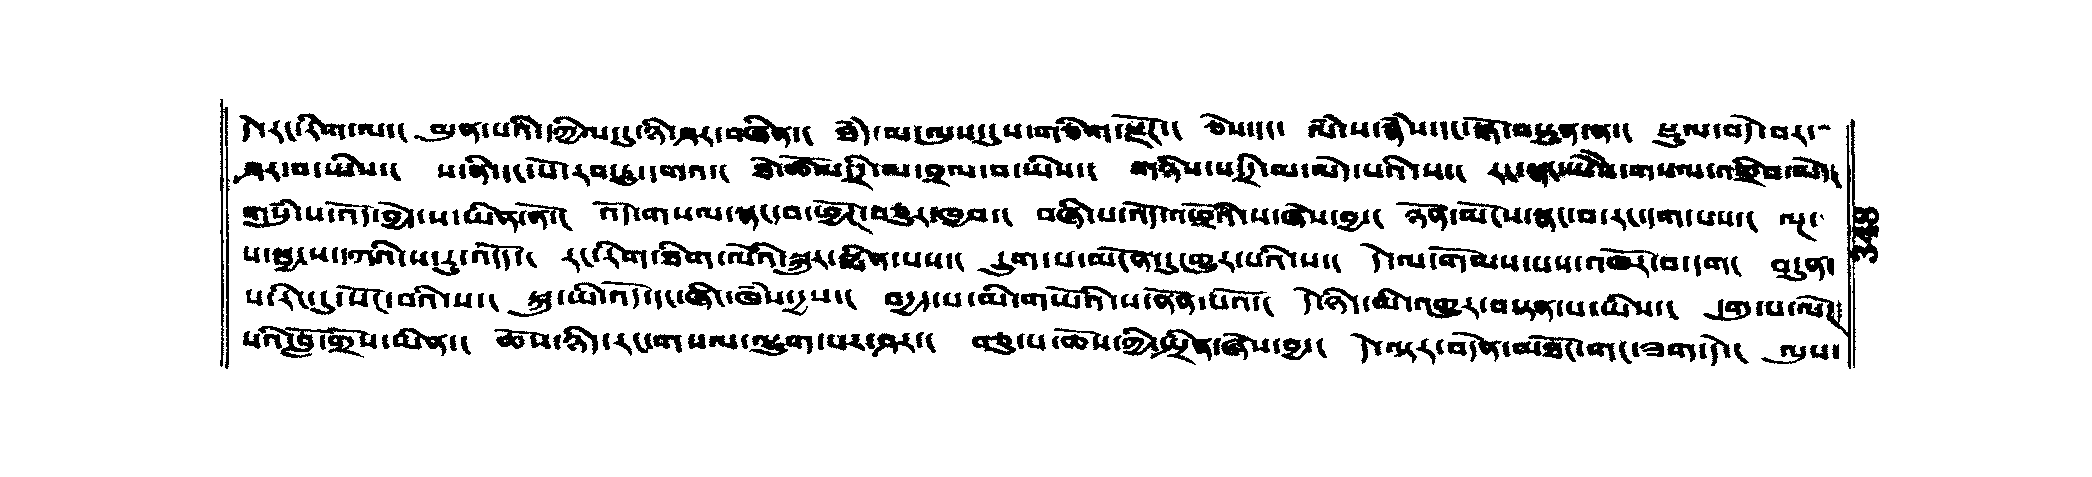དེ་རང་རིག་ལ། །མུན་པའི་དཀྱིལ་དུ་ཉི་ཤར་བཞིན། །ཐམས་ཅད་མ་ལུས་དུས་གཅིག་རྫོགས། ཅེས་དང་། ལམ་པ་རྣམས་དང་སྒོ་བསྟུན་ན། །སྡུག་བསྔལ་བདེ་བར་
ཤར་བ་ཡིས། །ས་ནི་དང་པོ་རབ་ཏུ་དགའ། །ཐེ་ཚོམ་དྲི་མ་བྲལ་བ་ཡིས། །གཉིས་པ་དྲི་མ་མེད་པའི་ས། །རང་སྣང་ཡེ་ཤེས་གསལ་འགྲིབ་མེད། །
གསུམ་པ་འོད་བྱེད་ས་ཡིན་ནོ། །འོད་གསལ་སྣང་བ་ཕྱོགས་བཅུར་ཁྱབ། །བཞི་པ་འོད་འཕྲོའི་ས་ཞེས་བྱ། །ཉོན་མོངས་སྣང་བ་རང་དག་པས། །ལྔ་
པ་སྦྱངས་དཀའི་ས་རུ་འདོད། །རང་རིག་ཐིག་ལེའི་སྐུར་སྨིན་པས། །དྲུག་པ་མངོན་དུ་གྱུར་པའི་ས། །དེ་ལ་གོམས་པས་འཁོར་བ་དག། བདུན་
པ་རིང་དུ་སོང་བའི་ས། །སྐུ་ཡི་འོད་དང་ཞིང་ཁམས་རྒྱས། །བརྒྱད་པ་མི་གཡོའི་ས་ནོན་པའོ། །དེ་ཉིད་མི་འགྱུར་བསྟན་པ་ཡིས། །དགུ་པ་ལེགས་
པའི་བློ་གྲོས་ཡིན། །ཆོས་ཉིད་རང་གསལ་ལྷུག་པར་ཤར། །བཅུ་པ་ཆོས་ཀྱི་སྤྲིན་ཞེས་བྱ། །དེ་ལྟར་བདེན་མཐོང་གང་ཟག་སྟེ། །ལུས་